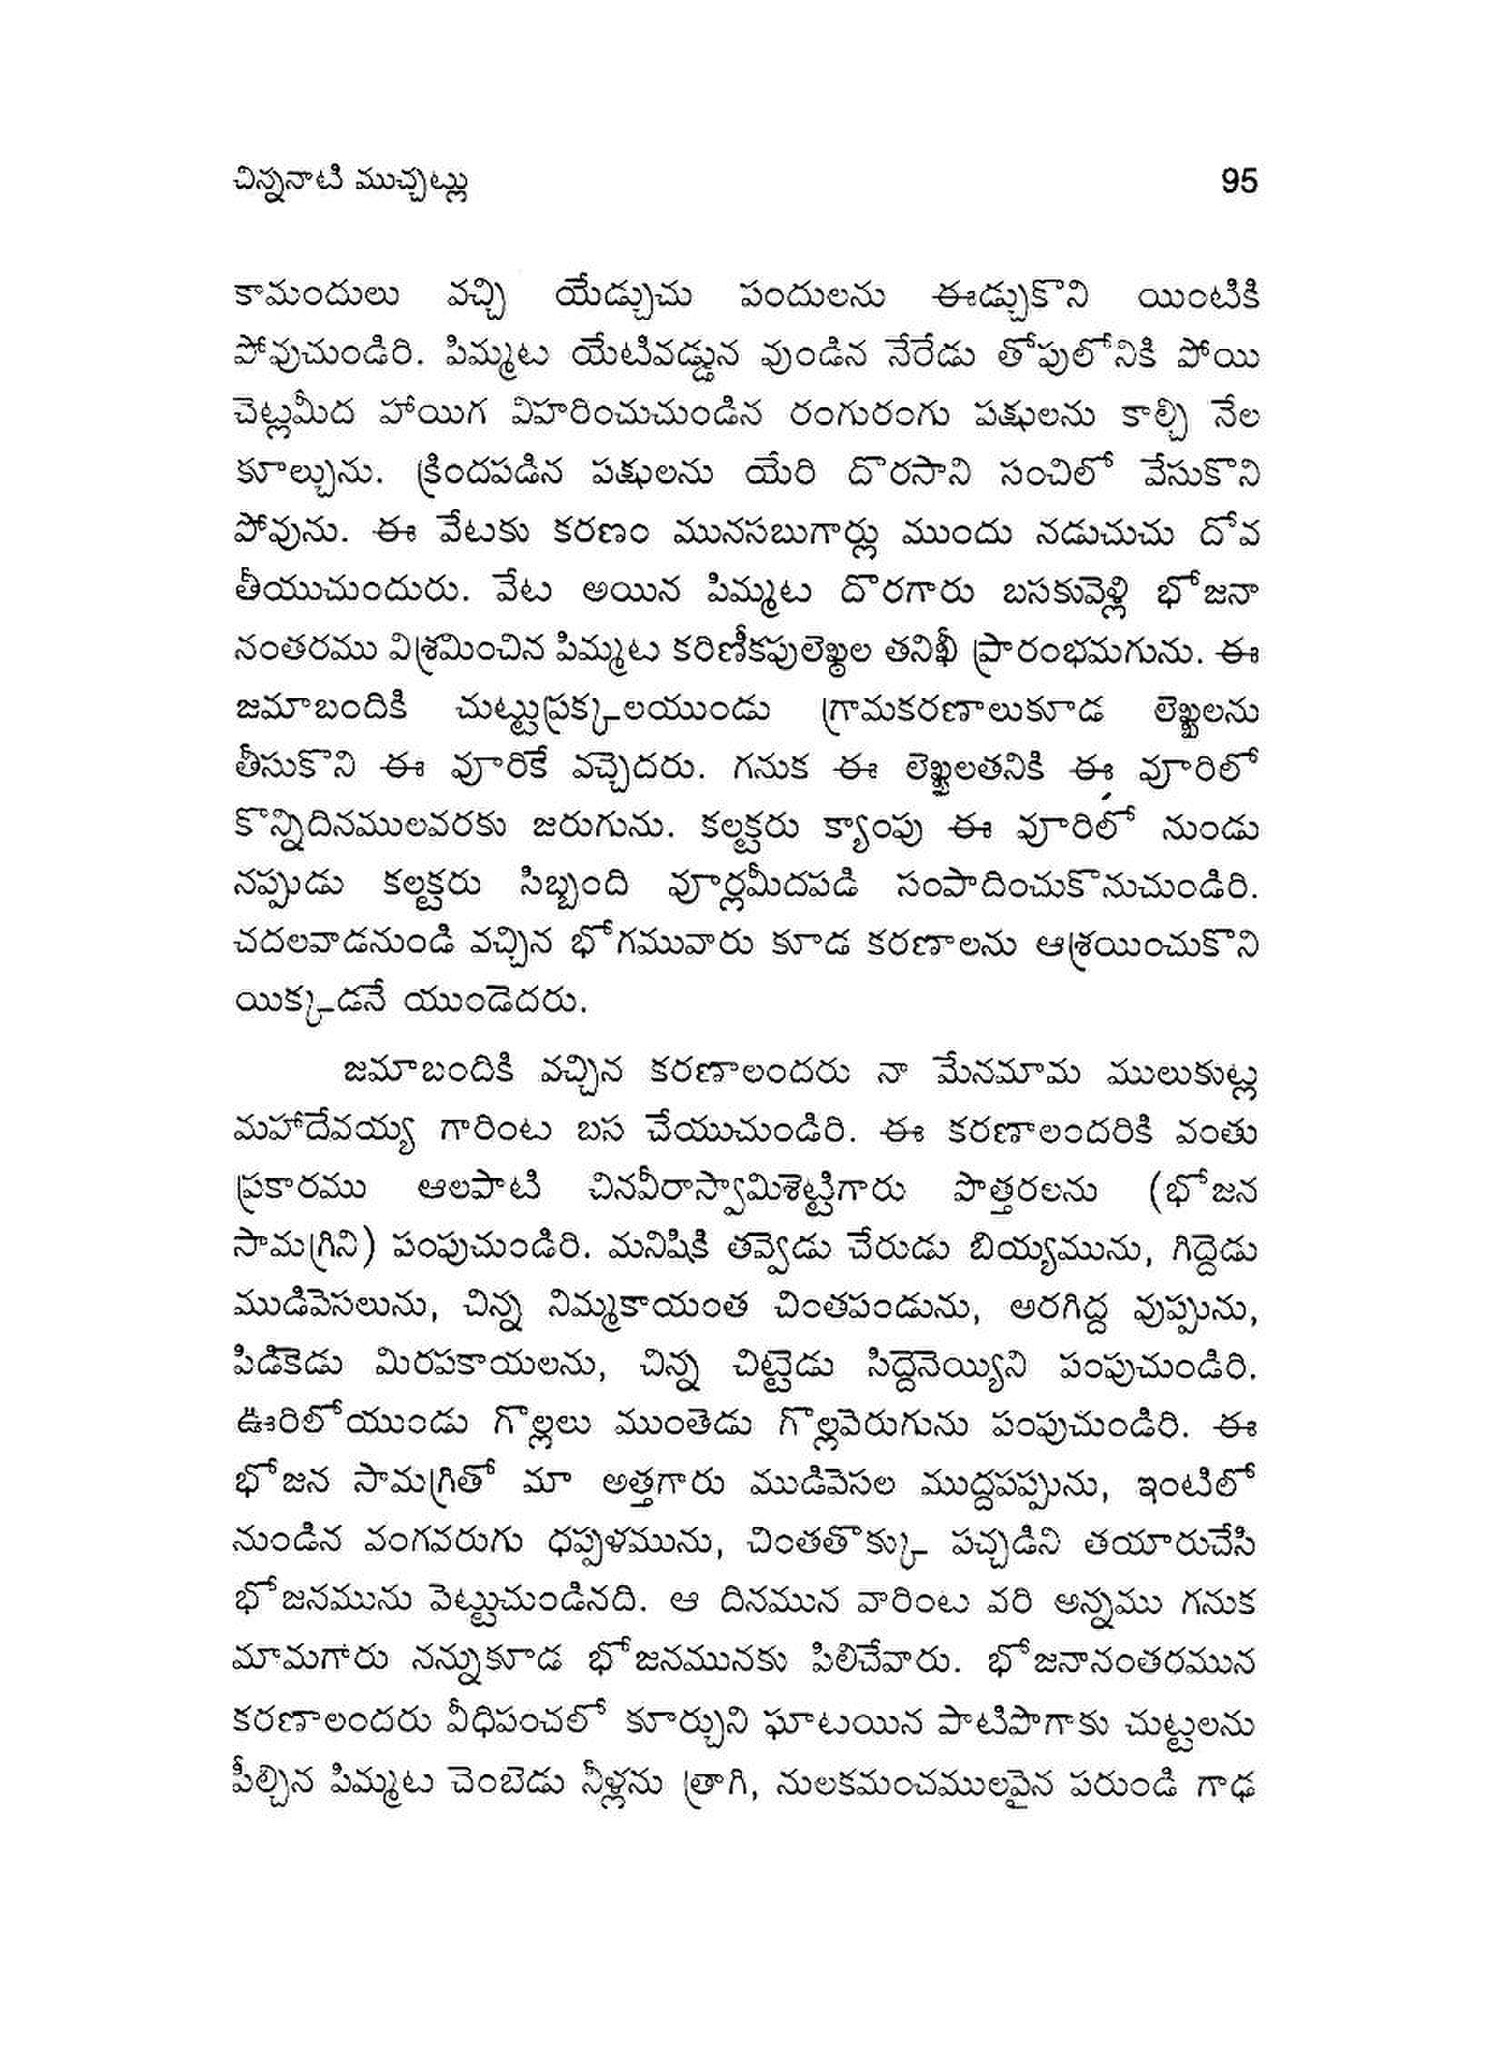కామందులు వచ్చి యేడ్చుచు పందులను ఈడ్చుకొని యింటికి పోవుచుండిరి. పిమ్మట యేటివడ్డున వుండిన నేరేడు తోపులోనికి పోయి చెట్లమీద హాయిగ విహరించుచుండిన రంగురంగు పక్షులను కాల్చి నేల కూల్చును. క్రిందపడిన పక్షులను యేరి దొరసాని సంచిలో వేసుకొని పోవును. ఈ వేటకు కరణం మునసబుగార్లు ముందు నడుచుచు దోవ తీయుచుందురు. వేట అయిన పిమ్మట దొరగారు బసకువెళ్లి భోజనానంతరము విశ్రమించిన పిమ్మట కరిణీకపులెఖ్ఖల తనిఖీ ప్రారంభమగును. ఈ జమాబందికి చుట్టుప్రక్కలయుండు గ్రామకరణాలుకూడ లెఖ్ఖలను తీసుకొని ఈ వూరికే వచ్చెదరు. గనుక ఈ లెఖ్ఖలతనికి ఈ వూరిలో కొన్నిదినములవరకు జరుగును. కలక్టరు క్యాంపు ఈ వూరిలో నుండు నప్పుడు కలక్టరు సిబ్బంది వూర్లమీదపడి సంపాదించుకొనుచుండిరి. చదలవాడనుండి వచ్చిన భోగమువారు కూడ కరణాలను ఆశ్రయించుకొని యిక్కడనే యుండెదరు.

జమాబందికి వచ్చిన కరణాలందరు నా మేనమామ ములుకుట్ల మహాదేవయ్య గారింట బస చేయుచుండిరి. ఈ కరణాలందరికి వంతు ప్రకారము ఆలపాటి చినవీరాస్వామిశెట్టిగారు పొత్తరలను (భోజన సామగ్రిని) పంపుచుండిరి. మనిషికి తవ్వెడు చేరుడు బియ్యమును, గిద్దెడు ముడిపెసలును, చిన్న నిమ్మకాయంత చింతపండును, అరగిద్ద వుప్పును, పిడికెడు మిరపకాయలను, చిన్న చిట్టెడు సిద్దెనెయ్యిని పంపుచుండిరి. ఊరిలో యుండు గొల్లలు ముంతెడు గొల్లపెరుగును పంపుచుండిరి. ఈ భోజన సామగ్రితో మా అత్తగారు ముడిపెసల ముద్దపప్పును, ఇంటిలో నుండిన వంగవరుగు ధప్పళమును, చింతతొక్కు పచ్చడిని తయారుచేసి భోజనమును పెట్టుచుండినది. ఆ దినమున వారింట వరి అన్నము గనుక మామగారు నన్నుకూడ భోజనమునకు పిలిచేవారు. భోజనానంతరమున కరణాలందరు వీధిపంచలో కూర్చుని ఘాటయిన పాటిపొగాకు చుట్టలను పీల్చిన పిమ్మట చెంబెడు నీళ్లను త్రాగి, నులకమంచములపైన పరుండి గాఢ